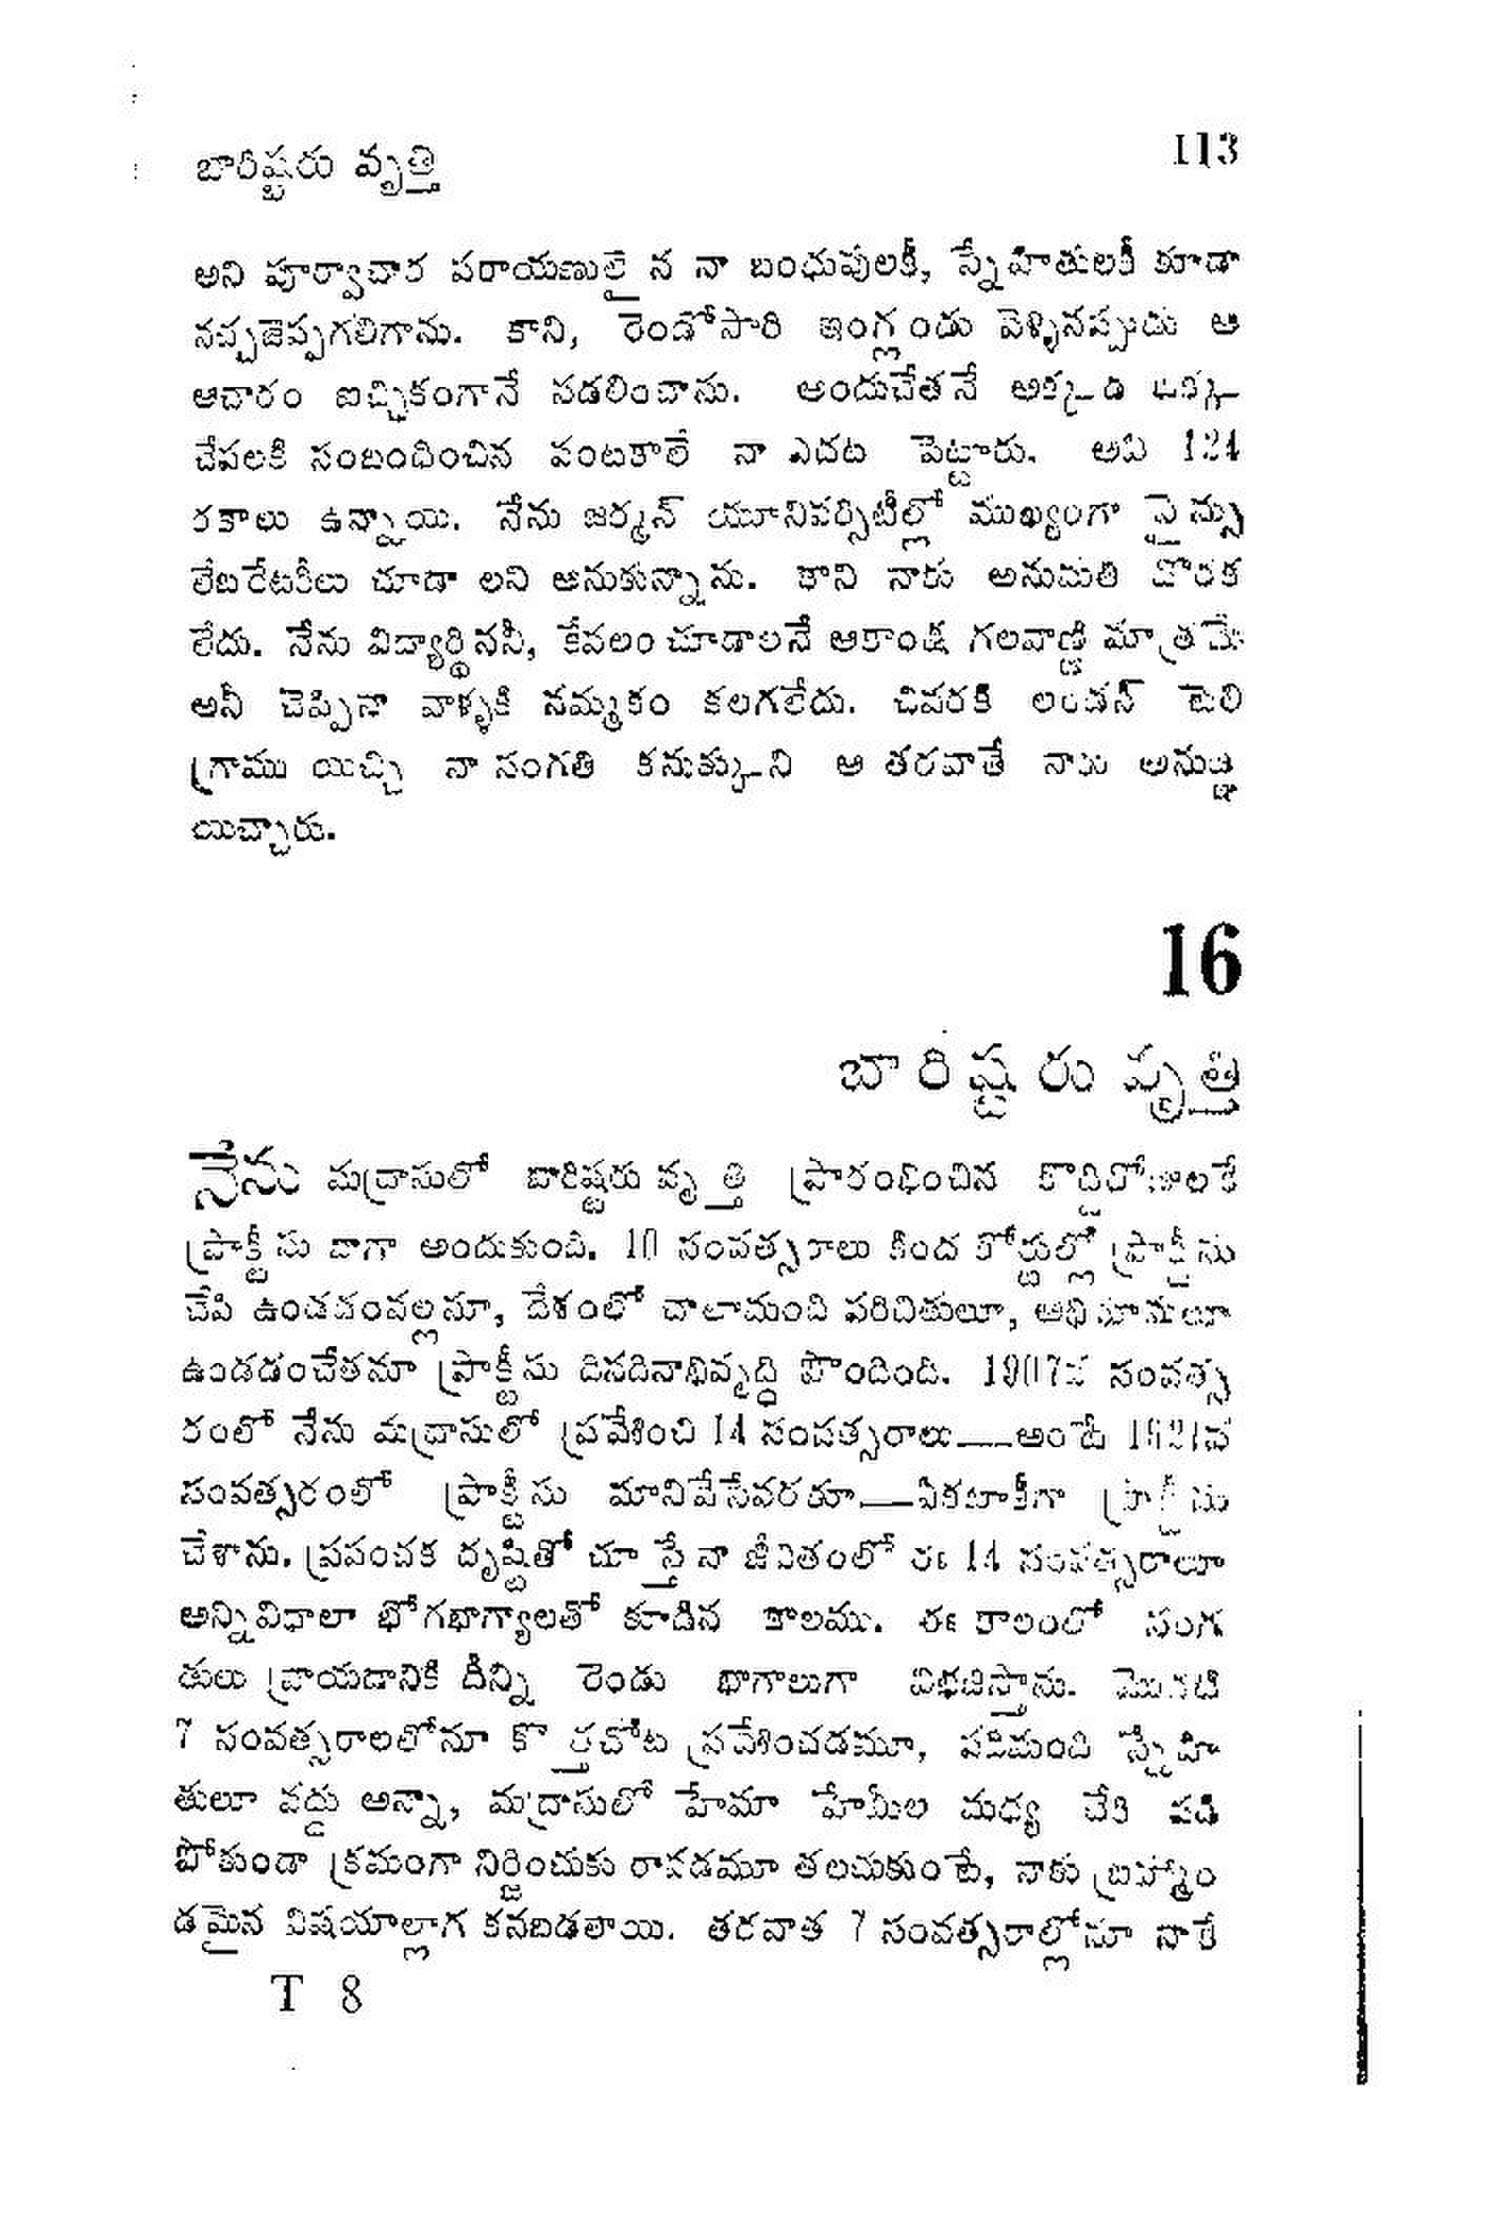అని పూర్వాచార పరాయణులైన నా బంధువులకీ, స్నేహితులకీ కూడా నచ్చజెప్పగలిగాను. కాని, రెండోసారి ఇంగ్లండు వెళ్ళినప్పుడు ఆ ఆచారం ఐచ్చికంగానే సడలించాను. అందుచేతనే అక్కడ ఒక్క చేపలకి సంబంధించిన వంటకాలే నా ఎదట పెట్టారు. అవి 124 రకాలు ఉన్నాయి. నేను జర్మన్ యూనివర్సిటిల్లో ముఖ్యంగా సైన్సు లేబరేటరీలు చూడా లని అనుకున్నాను. కాని నాకు అనుమతి దొరక లేదు. నేను విద్యార్థిననీ, కేవలం చూడాలనే ఆకాంక్ష గలవాణ్ణి మాత్రమే అనీ చెప్పినా వాళ్ళకి నమ్మకం కలగలేదు. చివరికి లండన్ టెలిగ్రాము యిచ్చి నా సంగతి కనుక్కుని అ తరవాతే నాకు అనుజ్ఞ యిచ్చారు.

నేను మద్రాసులో బారిష్టరు వృత్తి ప్రారంభించిన కొద్దిరోజులకే ప్రాక్టీసు బాగా అందుకుంది. 10 సంవత్సరాలు కింద కోర్టుల్లో ప్రాక్టీసు చేసి ఉండడంవల్లనూ, దేశంలో చాలామంది పరిచితులూ, అభిమానులూ ఉండడంచేతనూ ప్రాక్టీసు దినదినాభివృద్ధి పొందింది. 1907 వ సంవత్సరంలో నేను మద్రాసులో ప్రవేశించి 14 సంవత్సరాలూ - అంటే 1921 వ సంవత్సరంలో ప్రాక్టీసు మానివేసేవరకూ - ఏకటాకీగా ప్రాక్టీసు చేశాను. ప్రపంచక దృష్టితో చూస్తే నా జీవితంలో ఈ 14 సంవత్సరాలూ అన్నివిధాలా భోగభాగ్యాలతో కూడిన కాలము. ఈ కాలంలో సంగతులు వ్రాయడానికి దీన్ని రెండు భాగాలుగా విభజిస్తాను. మొదటి 7 సంవత్సరాలలోనూ కొత్తచోట ప్రవేశించడమూ, పదిమంది స్నేహితులూ వద్దు అన్నా, మద్రాసులో హేమా హేమీల మధ్య చేరి పడిపోకుండా క్రమంగా నిర్జించుకు రావడమూ తలచుకుంటే, నాకు బ్రహ్మాండమైన విషయాల్లాగ కనబడతాయి. తరవాత 7 సంవత్సరాల్లోనూ నాకే